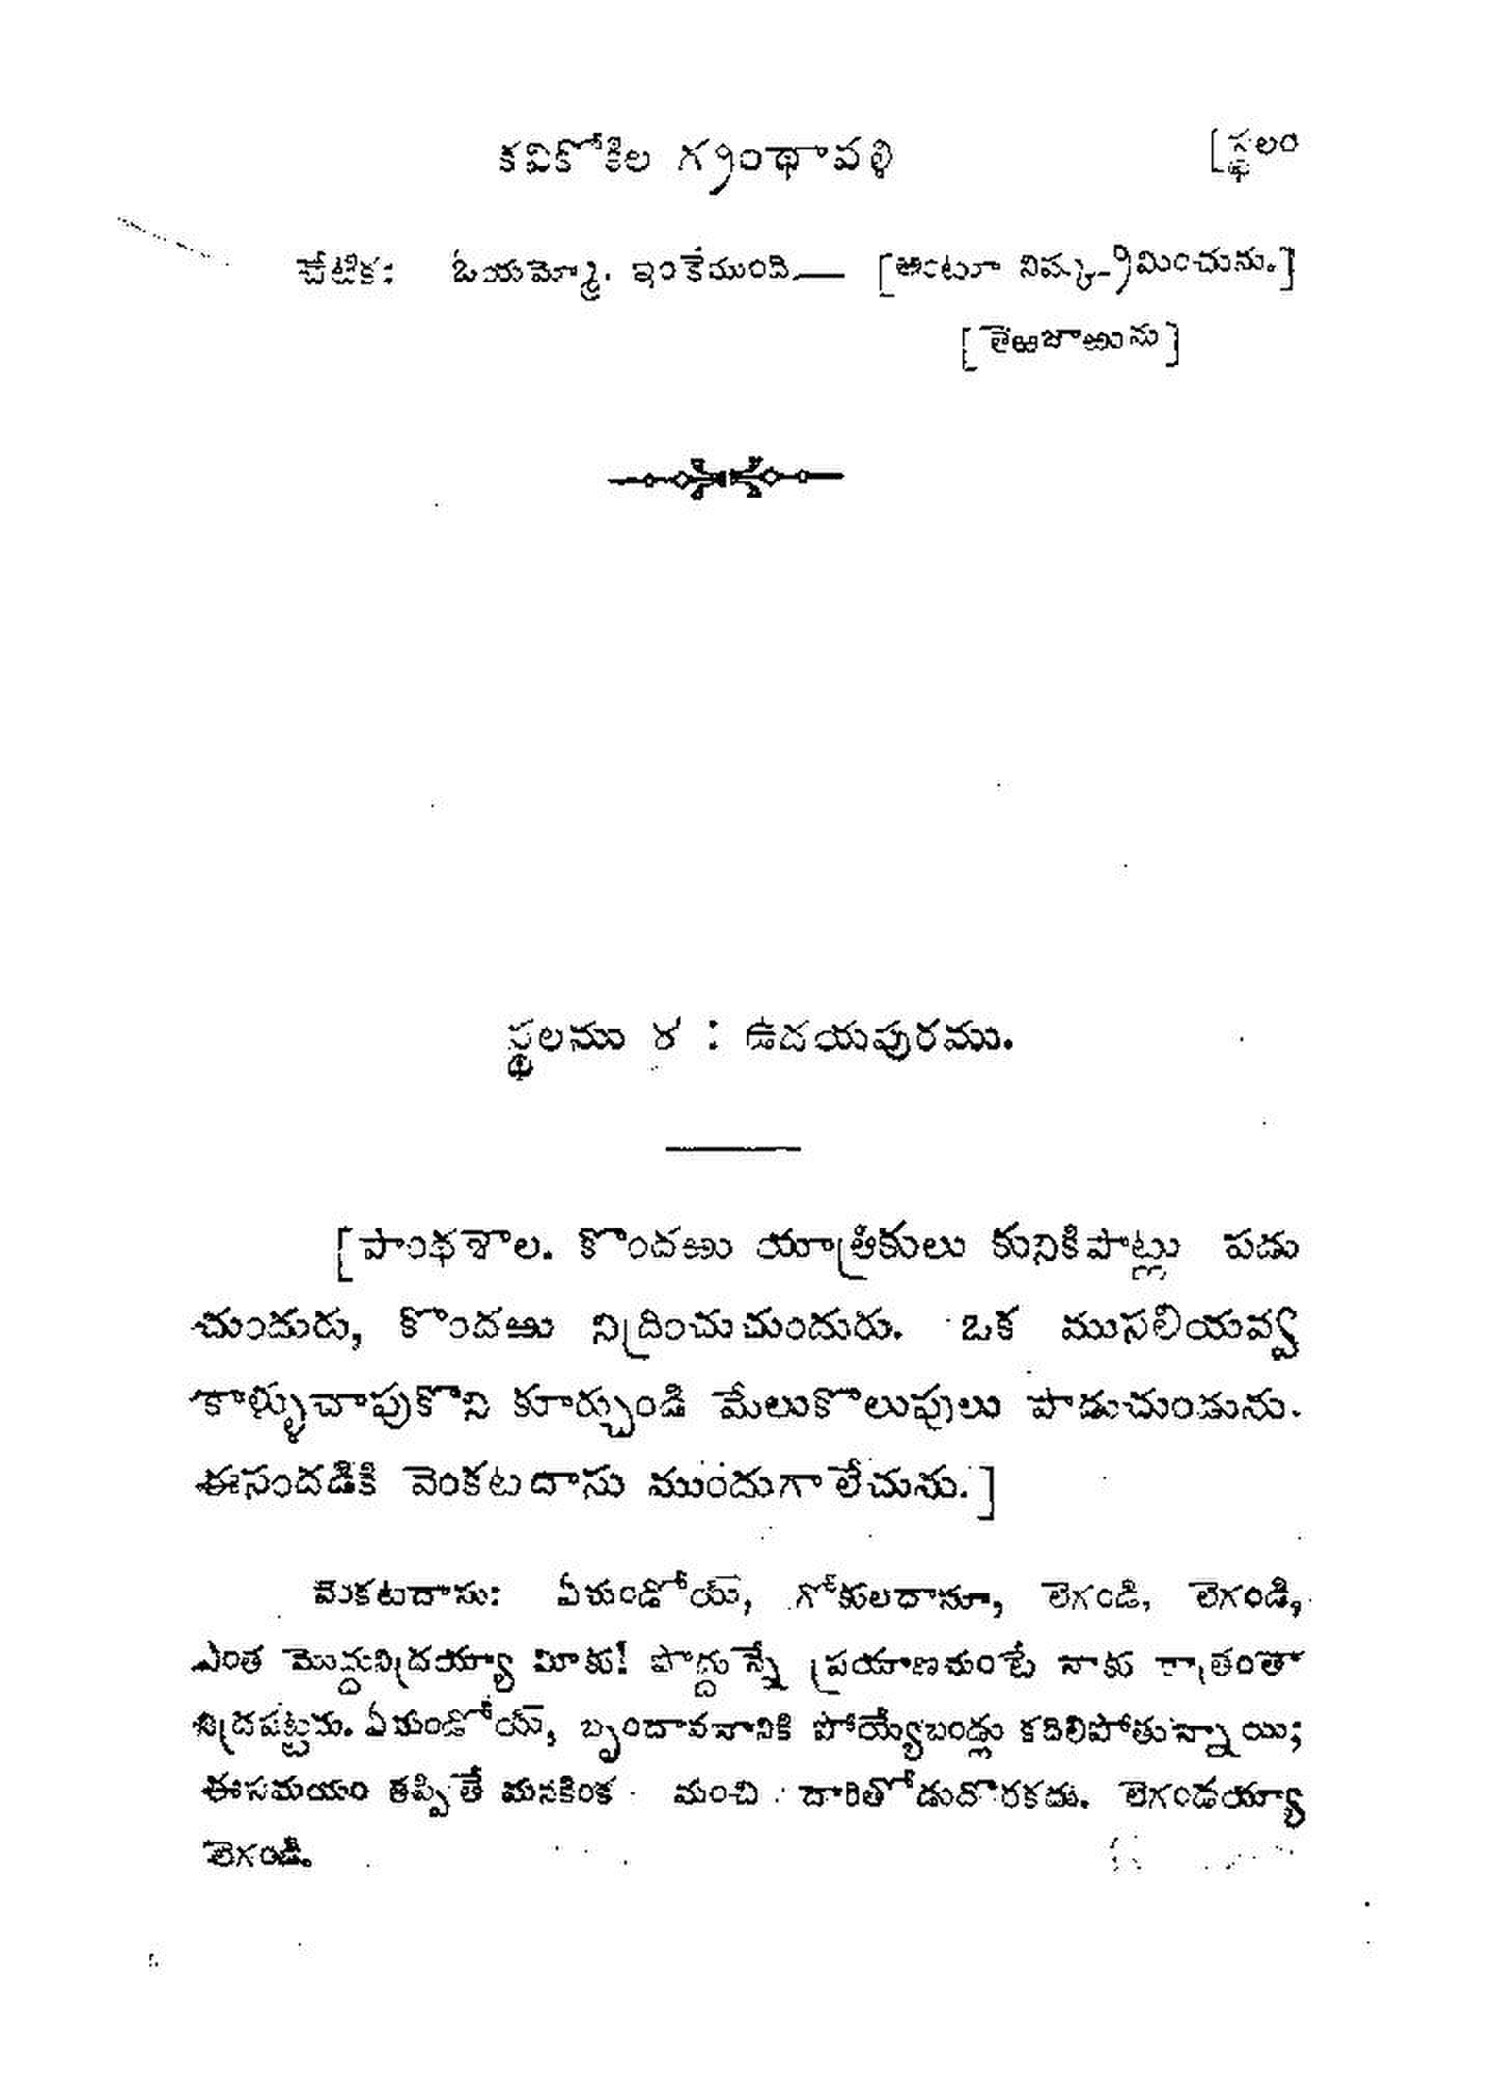చేటిక : ఓయమ్మో. ఇంకేముంది - [అంటూ నిష్క్రముంచును.]

వెంకటదాసు : ఏమండోయ్, గోకులదాసూ, లెగండి, లెగండి, ఎంత మొద్దునిద్రయ్యా మీకు ! పొద్దున్నే ప్రయాణమంటే నాకు రాత్రంతా నిద్రపట్టదు. ఏమండోయ్, బృందావనానికి పొయ్యేబండ్లు కదిలిపోతున్నాయి; ఈసమయం తప్పితే మనకింక మంచి దారితోడుదొరకదు. లెగండయ్యా లెగండి.